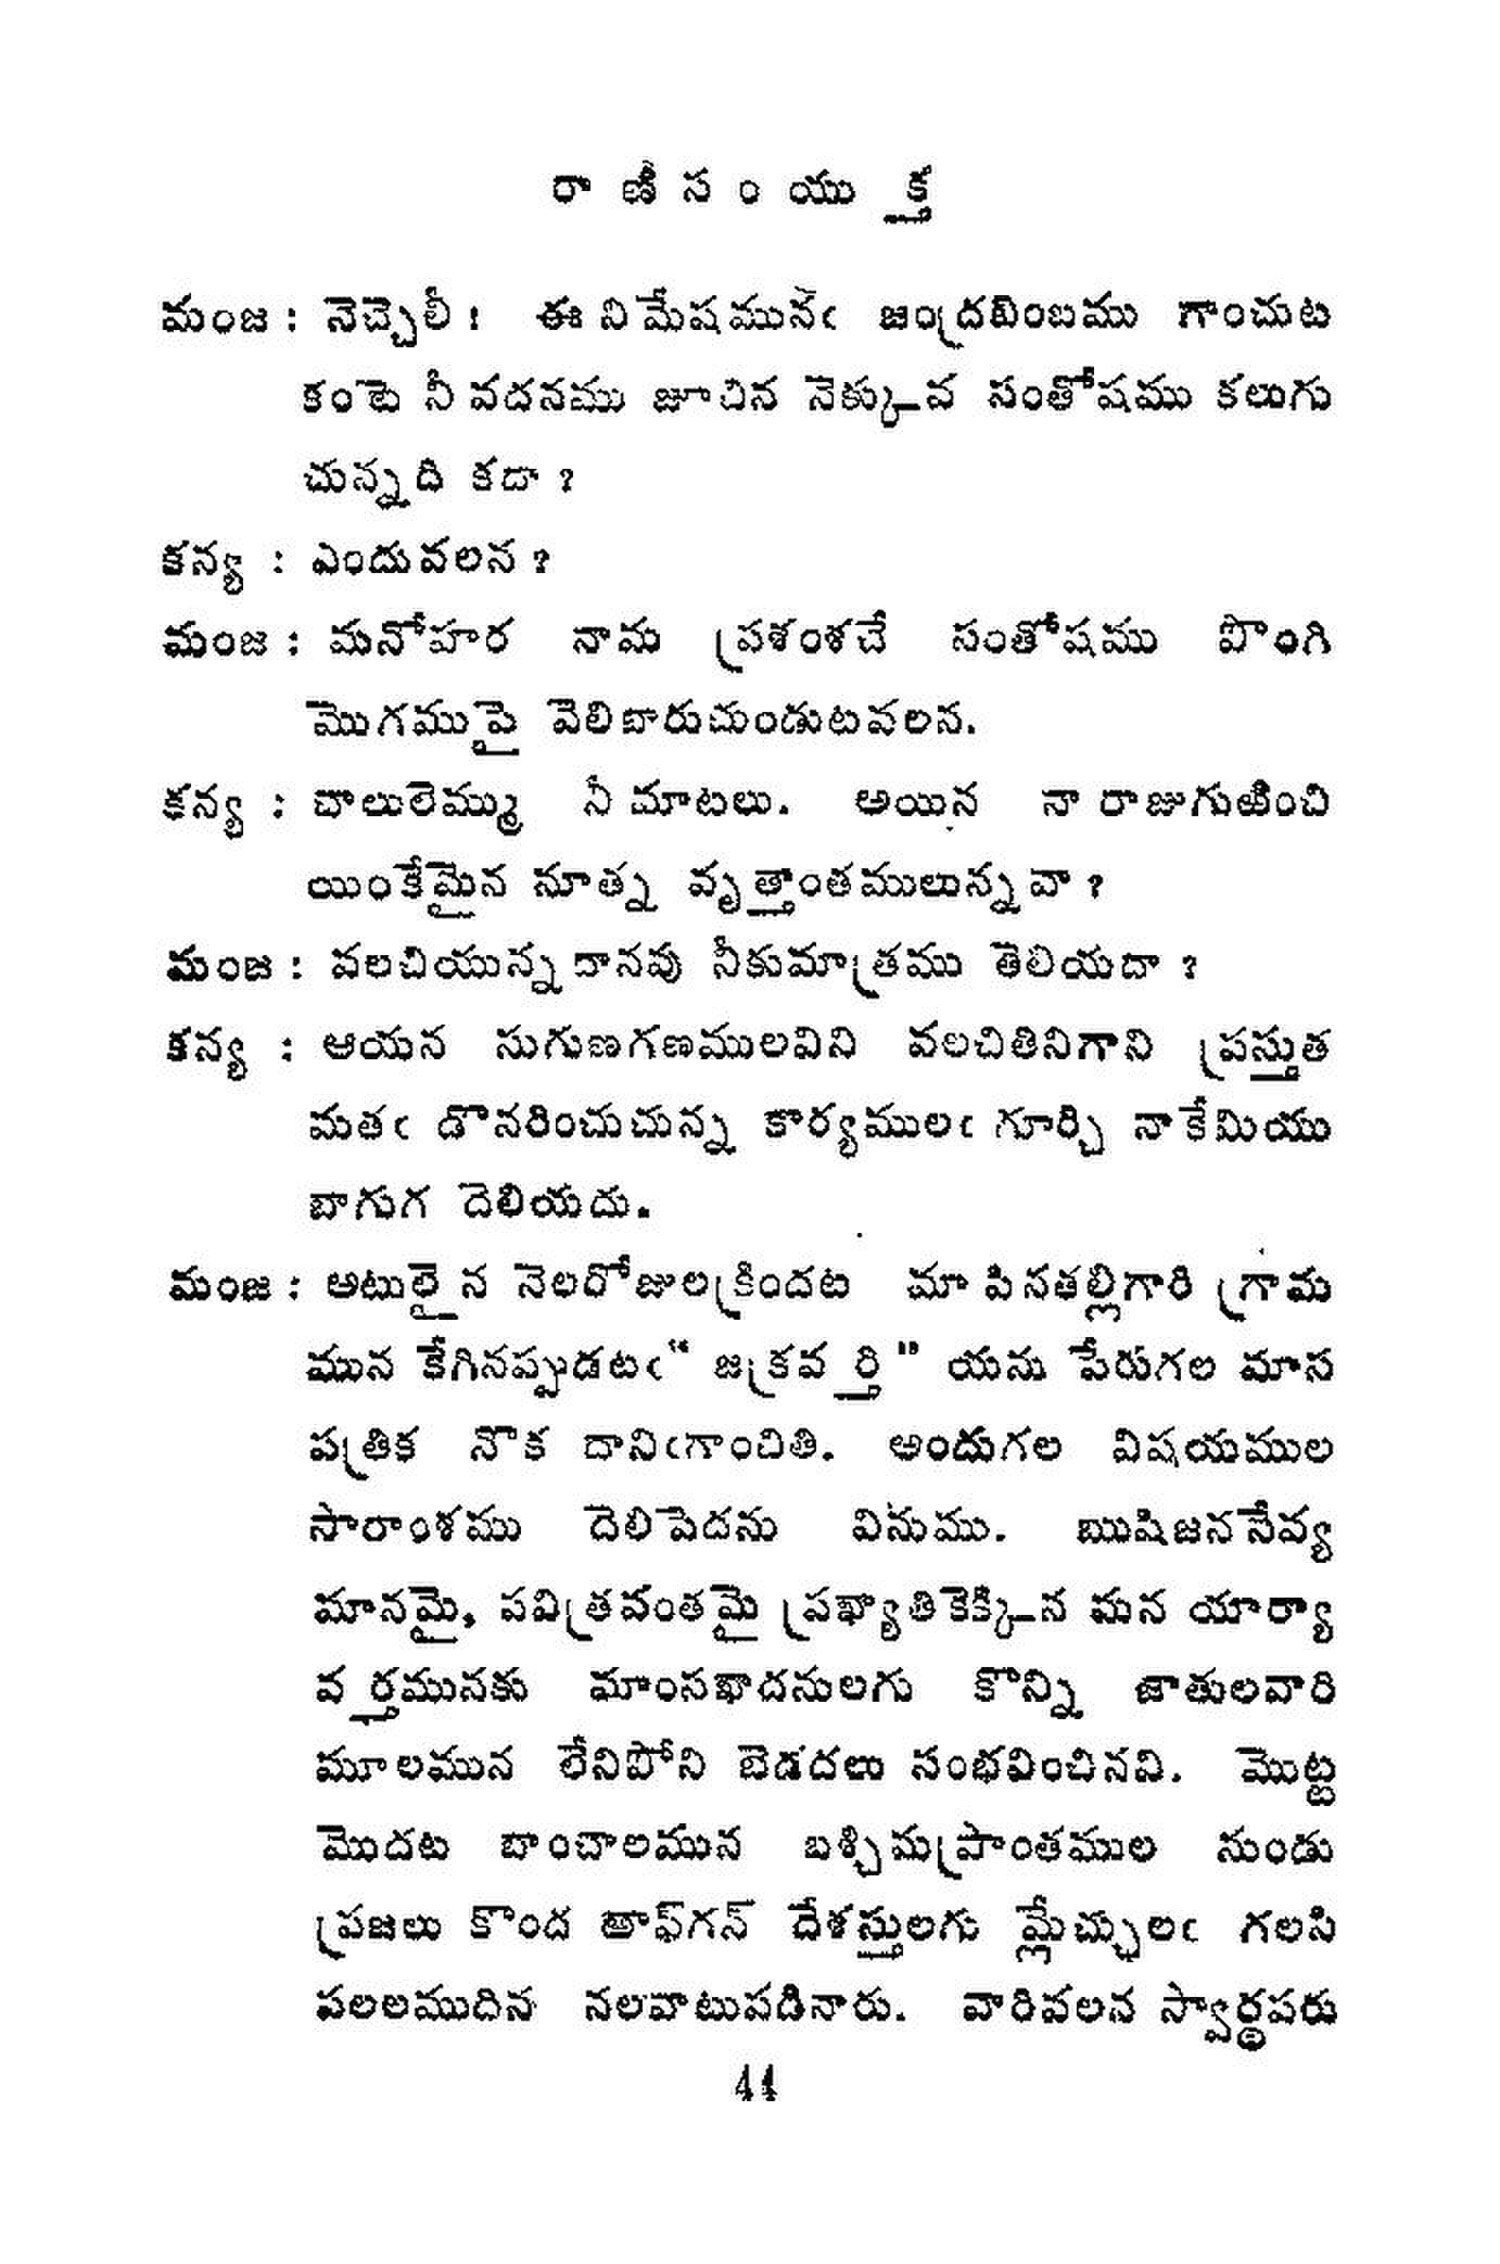మంజ : నెచ్చెలీ ! ఈ నిమేషమునఁ జంద్రబింబము గాంచుటకంటె నీ వదనము జూచిన నెక్కువ సంతోషము కలుగుచున్నది కదా? 

కన్య : ఎందువలన? 

మంజ : మనోహర నామ ప్రశంశచే సంతోషము పొంగి మొగముపై వెలిబారుచుండుటవలన. 

కన్య : చాలులెమ్ము నీ మాటలు. అయిన నా రాజుగుఱించి యింకేమైన నూత్న వృత్తాంతములున్నవా? 

మంజ : వలచియున్న దానవు నీకుమాత్రము తెలియదా? 

కన్య : ఆయన సుగుణగణములవిని వలచితినిగాని ప్రస్తుతమతఁ డొనరించుచున్న కార్యములఁ గూర్చి నా కేమియు బాగుగ దెలియదు. 

మంజ : అటులైన నెలరోజుల క్రిందట మా పినతల్లిగారి గ్రామమున కేగినప్పుడటఁ "జక్రవర్తి" యను పేరుగల మాసపత్రిక నొక దానిఁగాంచితి. అందుగల విషయముల సారాంశము దెలిపెదను వినుము. ఋషిజనసేవ్యమానమై, పవిత్రవంతమై ప్రఖ్యాతికెక్కిన మన యార్యావర్తమునకు మాంసఖాదనులగు కొన్ని జాతులవారి మూలమున లేనిపోని బెడదలు సంభవించినవి. మొట్టమొదట బాంచాలమున బశ్చిమప్రాంతముల నుండు ప్రజలు కొంద ఱాఫ్‌గన్ దేశస్తులగు మ్లేచ్చులఁ గలసి సలలముదిన నలవాటుపడినారు. వారివలన స్వార్థపరు